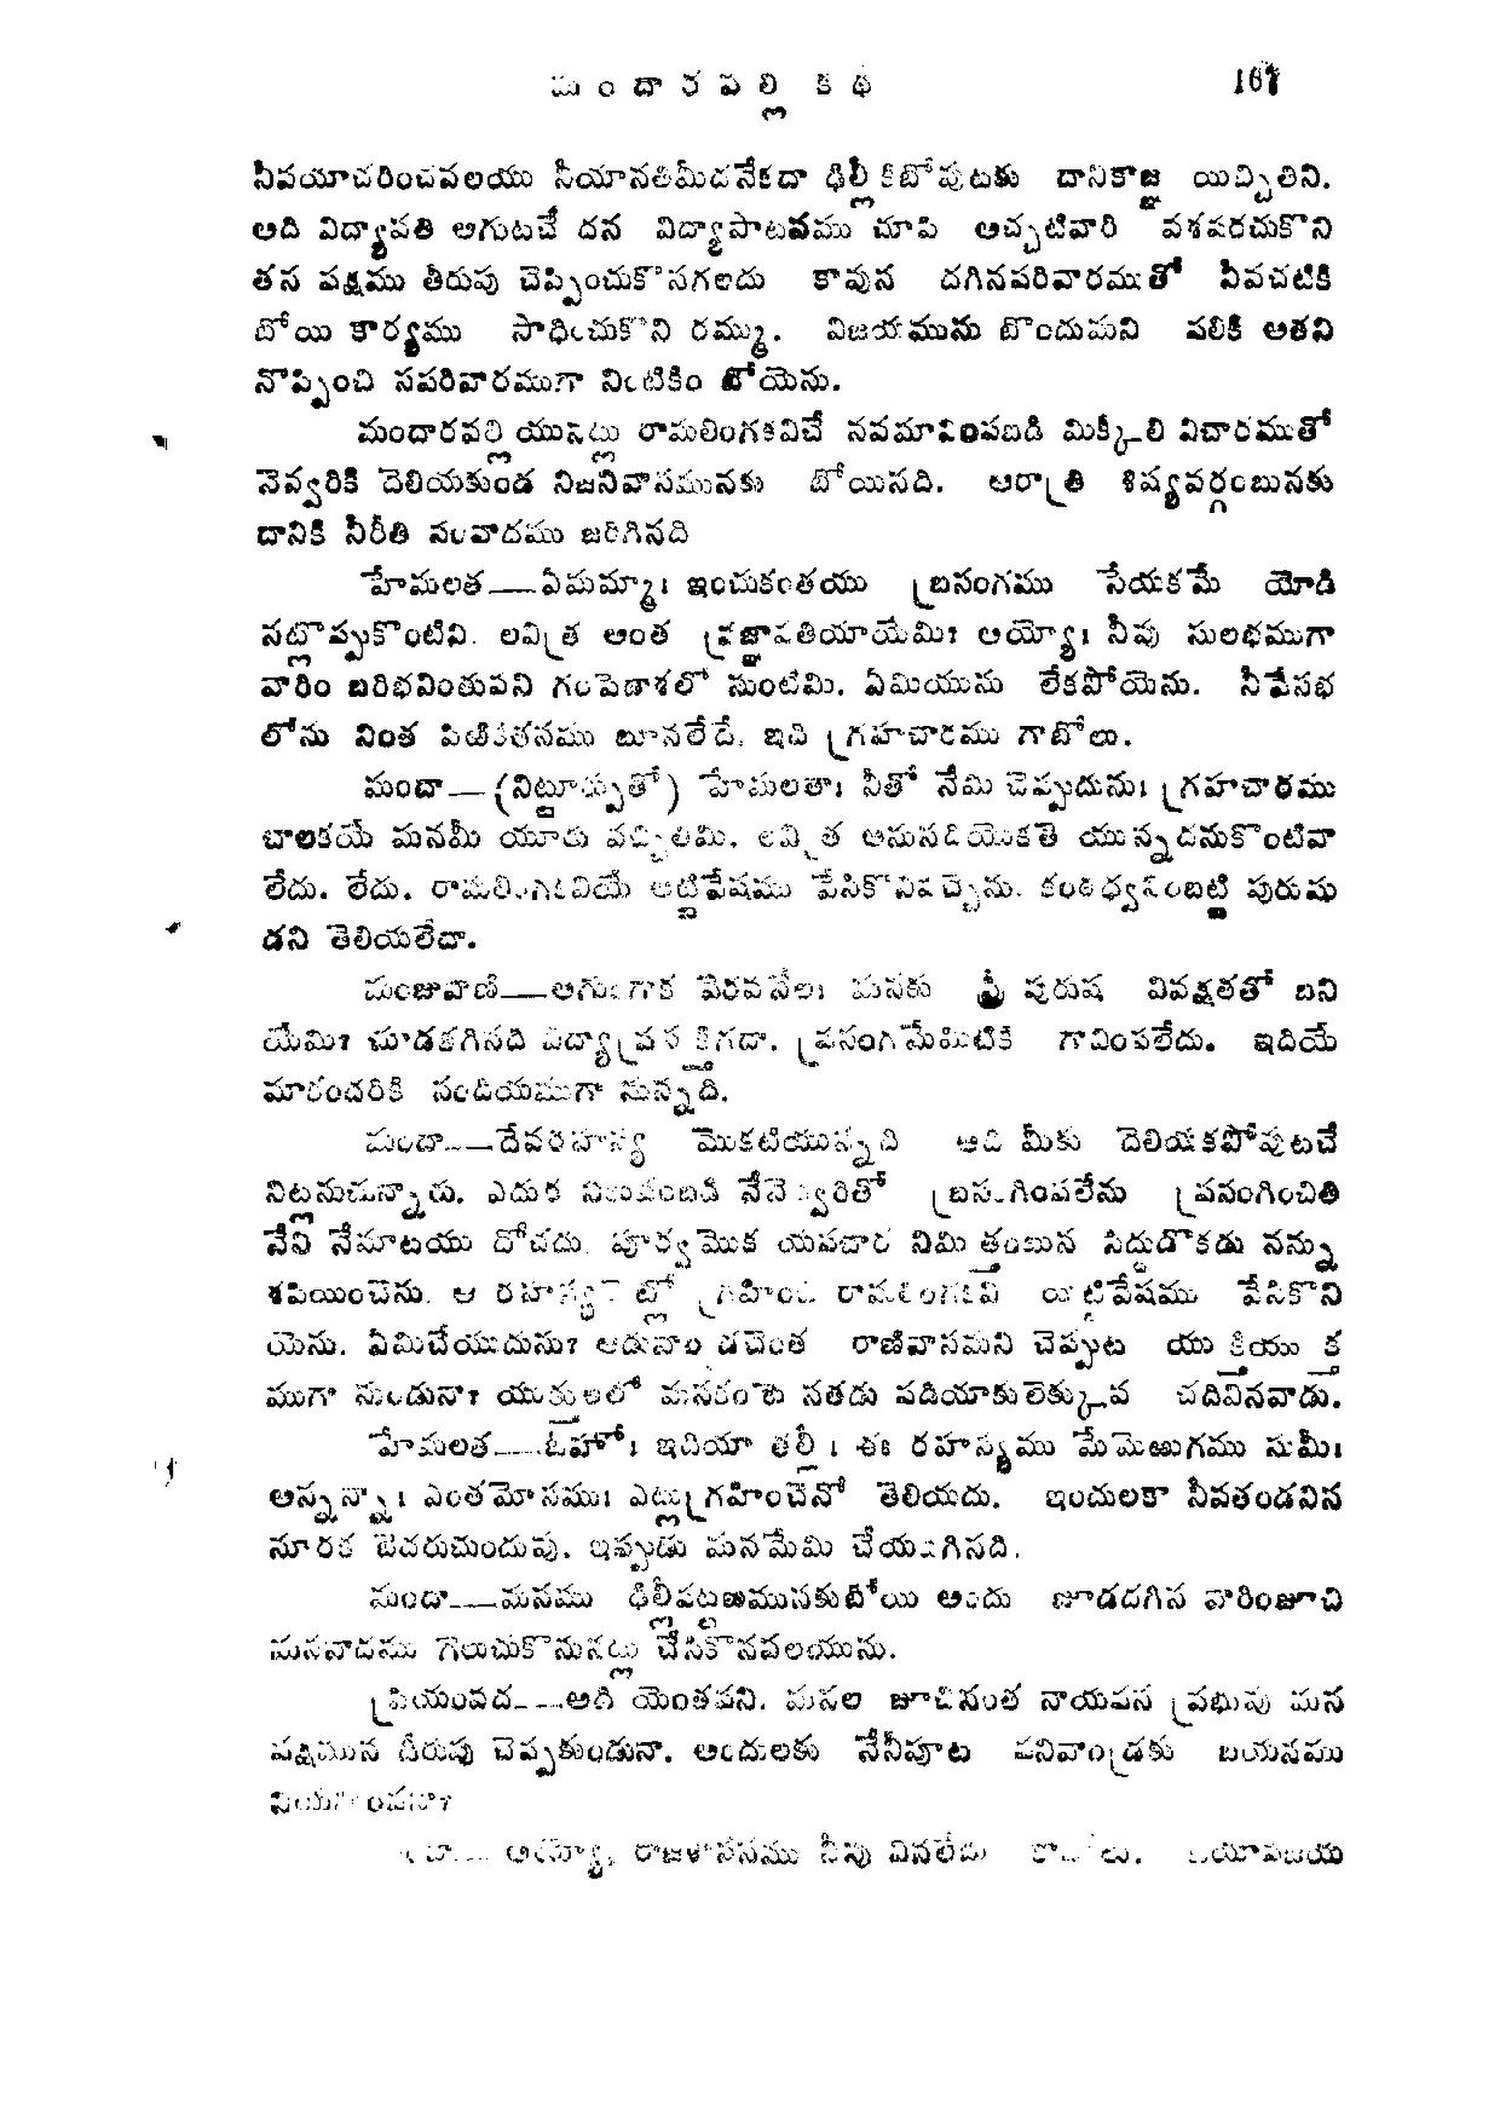నీవ యాచరించవలయు నీయానతిమీదనేకదా ఢిల్లీకిబోవుటకు దానికాజ్ఞ యిచ్చితిని. అది విద్యావతి అగుటచే దన విద్యాపాటవము చూపి అచ్చటివారి వశపరచుకొని తన పక్షము తీరుపు చెప్పించుకొనగలదు కావున దగినపరివారముతో నీ వచటికి బోయి కార్యము సాధించుకొని రమ్ము. విజయమును బొందుమని పలికి అతని నొప్పించి సపరివారముగా నింటికిం బోయెను.

మందారవల్లియు నట్లు రామలింగకవిచే నవమానింపబడి మిక్కిలి విచారముతో నెవ్వరికి దెలియకుండ నిజనివాసమునకు బోయినది. ఆరాత్రి శిష్యవర్గంబునకు దానికి నీరీతి సంవాదము జరిగినది

హేమలత - ఏమమ్మా! ఇంచుకంతయు బ్రసంగము సేయకయే యోడిన ట్లొప్పుకొంటివి. లవిత్ర అంత ప్రజ్ఞావతియా యేమి! అయ్యో! నీవు సులభముగా వారిం బరిభవింతువని గంపెడాశలో నుంటిమి. ఏమియును లేకపోయెను. నీ వేసభలోను నింత పిఱికితనము బూనలేదే. ఇది గ్రహచారము గాబోలు.

మందా – (నిట్టూర్పుతో) హేమలతా! నీతో నేమి చెప్పుదును. గ్రహచారము చాలకయే మనమీ యూరు వచ్చితమి. లవిత్ర అనునదియొకతె యున్నదనుకొంటివా లేదు. లేదు. రామలింగకవియే అట్టివేషము వేసికొనివచ్చెను. కంఠధ్వనింబట్టి పురుషుడని తెలియలేదా.

మంజువాణి - అగుఁ గాక వెరవనేల? మనకు స్త్రీ పురుష వివక్షతతో బని యేమి? చూడతగినది విద్యాప్రసక్తిగదా. ప్రసంగ మేమిటికి గావింపలేదు. ఇదియే మాకందరికి సందియముగా నున్నది.

మందా - దేవరహస్య మొకటియున్నది అది మీకు దెలియకపోవుటచే నిట్లనుచున్నారు. ఎదుర నిలువంబడి నేనెవ్వరితో బ్రసంగింపలేను ప్రసంగించితి నేని నేమాటయు దోచదు. పూర్వ మొక యపచారనిమిత్తంబున సిద్దుడొకడు నన్ను శపియించెను. ఆ రహస్యమెట్లో గ్రహించి రామలింగకవి యిట్టివేషము వేసికొనియెను. ఏమిచేయుదును? ఆడువాండ్రచెంత రాణివాసమని చెప్పుట యుక్తియుక్తముగా నుండునా? యుక్తులలో మనకంటె నతడు పదియాకులెక్కువ చదివినవాడు.

హేమలత - ఓహో! ఇదియా తల్లీ ! ఈ రహస్యము మేమెఱుగము సుమీ! అన్నన్నా! ఎంతమోసము? ఎట్లుగ్రహించెనో తెలియదు. ఇందులకా నీవతండనిన నూరక బెదరుచుందువు. ఇప్పుడు మనమేమి చేయదగినది .

మందా - మనము ఢిల్లీపట్టణమునకుబోయి అందు జూడదగిన వారింజూచి మనవాదము గెలుచుకొనునట్లు చేసికొనవలయును.

ప్రియంవద - అది యెంతపని. మనల జూచినంత నాయవనప్రభువు మనపక్షమున దీరుపు చెప్పకుండునా. అందులకు నేనీపూట పనివాండ్రకు బయనము నియమింపనా?

మందా - అయ్యో! రాజశాసనము నీవు వినలేదు కాబోలు. జయాపజయ